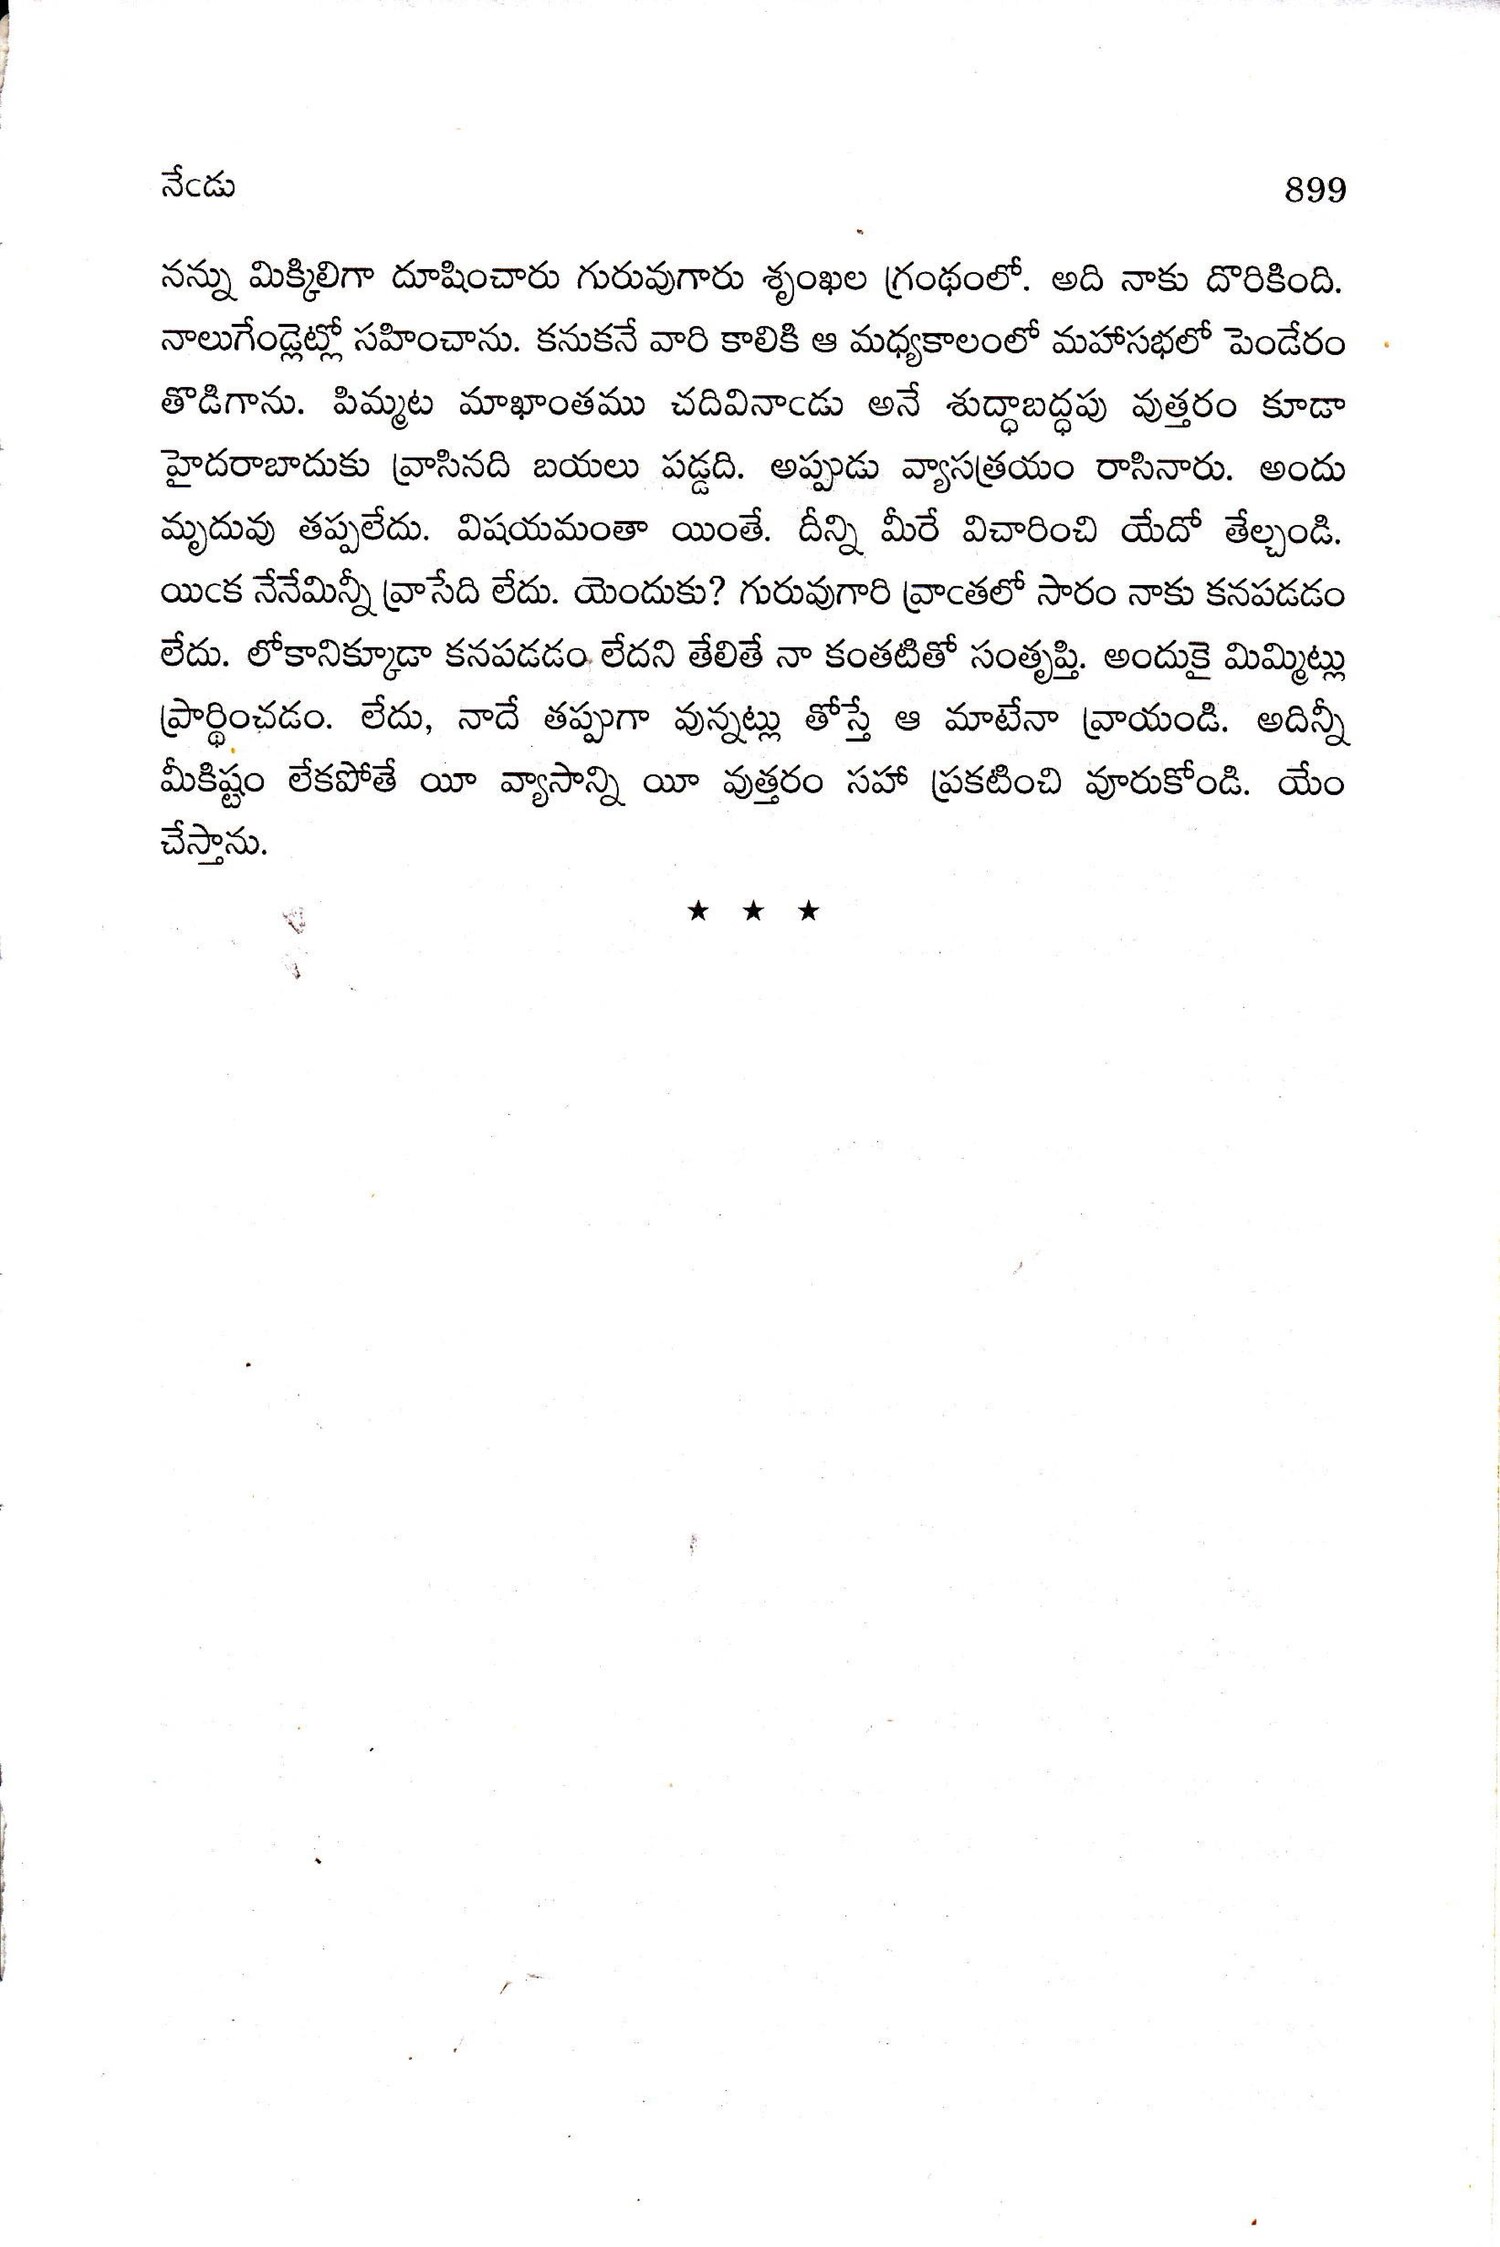నన్ను మిక్కిలిగా దూషించారు గురువుగారు శృంఖల గ్రంథంలో, అది నాకు దొరికింది. నాలుగేండ్లెట్లో సహించాను. కనుకనే వారి కాలికి ఆ మధ్యకాలంలో మహాసభలో పెండేరం తొడిగాను. పిమ్మట మాఖాంతము చదివినాఁడు అనే శుద్దాబద్ధపు వుత్తరం కూడా హైదరాబాదుకు వ్రాసినది బయలు పడ్డది. అప్పుడు వ్యాసత్రయం రాసినారు. అందు మృదువు తప్పలేదు. విషయమంతా యింతే. దీన్ని మీరే విచారించి యేదో తేల్చండి. యిఁక నేనేమిన్నీ వ్రాసేది లేదు. యెందుకు? గురువుగారి వ్రాఁతలో సారం నాకు కనపడడం లేదు. లోకానిక్కూడా కనపడడం లేదని తేలితే నా కంతటితో సంతృప్తి. అందుకై మిమ్మిట్లు ప్రార్ధించడం. లేదు, నాదే తప్పుగా వున్నట్లు తోస్తే ఆ మాటేనా వ్రాయండి. అదిన్నీ మీకిష్టం లేకపోతే యూ వ్యాసాన్ని యీ వుత్తరం సహా ప్రకటించి వూరుకోండి. యేం చేసాను.